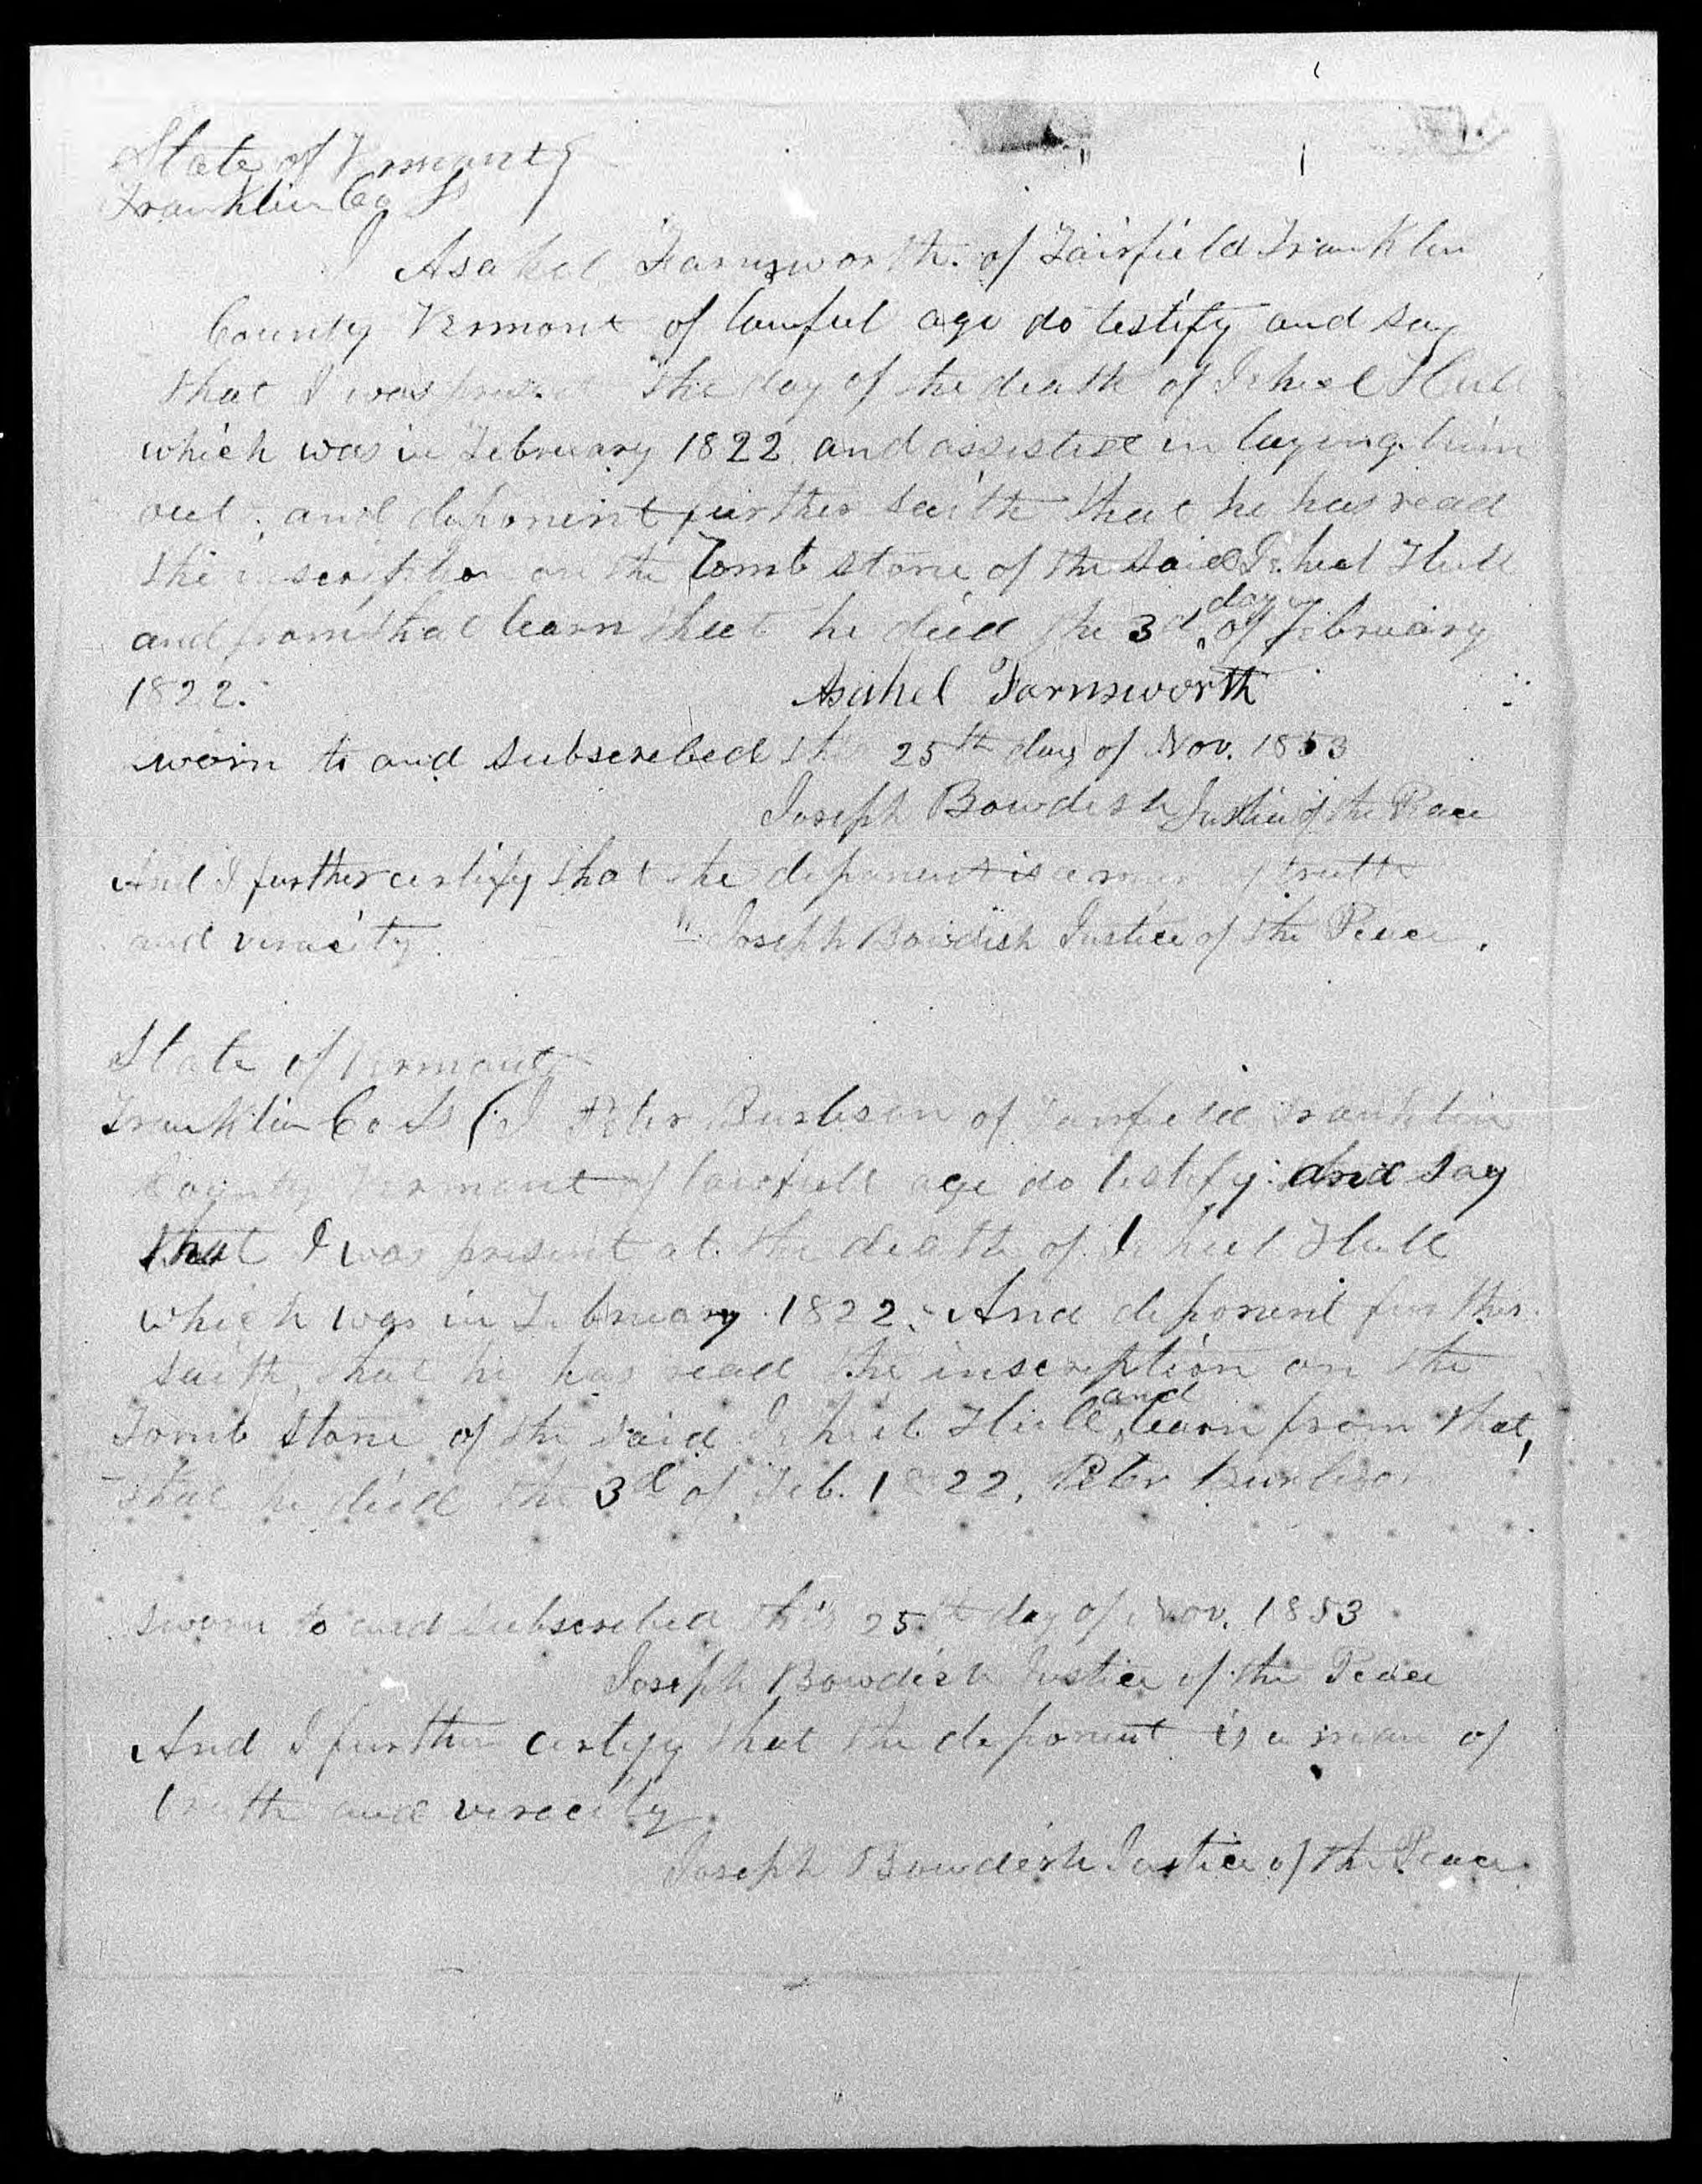State of Vermont
Franklin Co

I Asahel Farnsworth of Fairfield Franklin County Vermont of lawful age do testify and say that I was present the day of the death of Jehiel Hull which was in February 1822 and assisted with burying him out; and deponent thus saith that he has read the script for the tombstone of the said Jehiel Hull and from that learns sheet he died the 3rd day of February 1822. 
Asahel Farnsworth
Sworn to and subscribed the 25th day of Nov. 1853
Joseph Bowdish, Justice of the Peace
And I further certify that the deponent of saith the truth and veracity.

Joseph Bowdish, Justice of the Peace

State of Vermont
Franklin Co, I Peter Bushson of Fairfield Franklin County, Vermont of lawful age do testify and say that I was present at the death of Jehiel Hull which was in February 1822. And deponent further saith, that he has read the inscription on the tombstone of the said Jehiel Hull and learn from that that he died the 3d of Feb. 1822, Peter Bushon. 
Joseph Bowdish, Justice of the Peace

And I further certify that the deponent of saith the truth and veracity.

Joseph Bowdish, Justice of the Peace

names: Asahel Farnsworth, Jehiel Hull, Joseph Bowdish, Peter Bushson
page: 14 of 58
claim: widow's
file: W. 25813, Jehiel Hull, Conn.